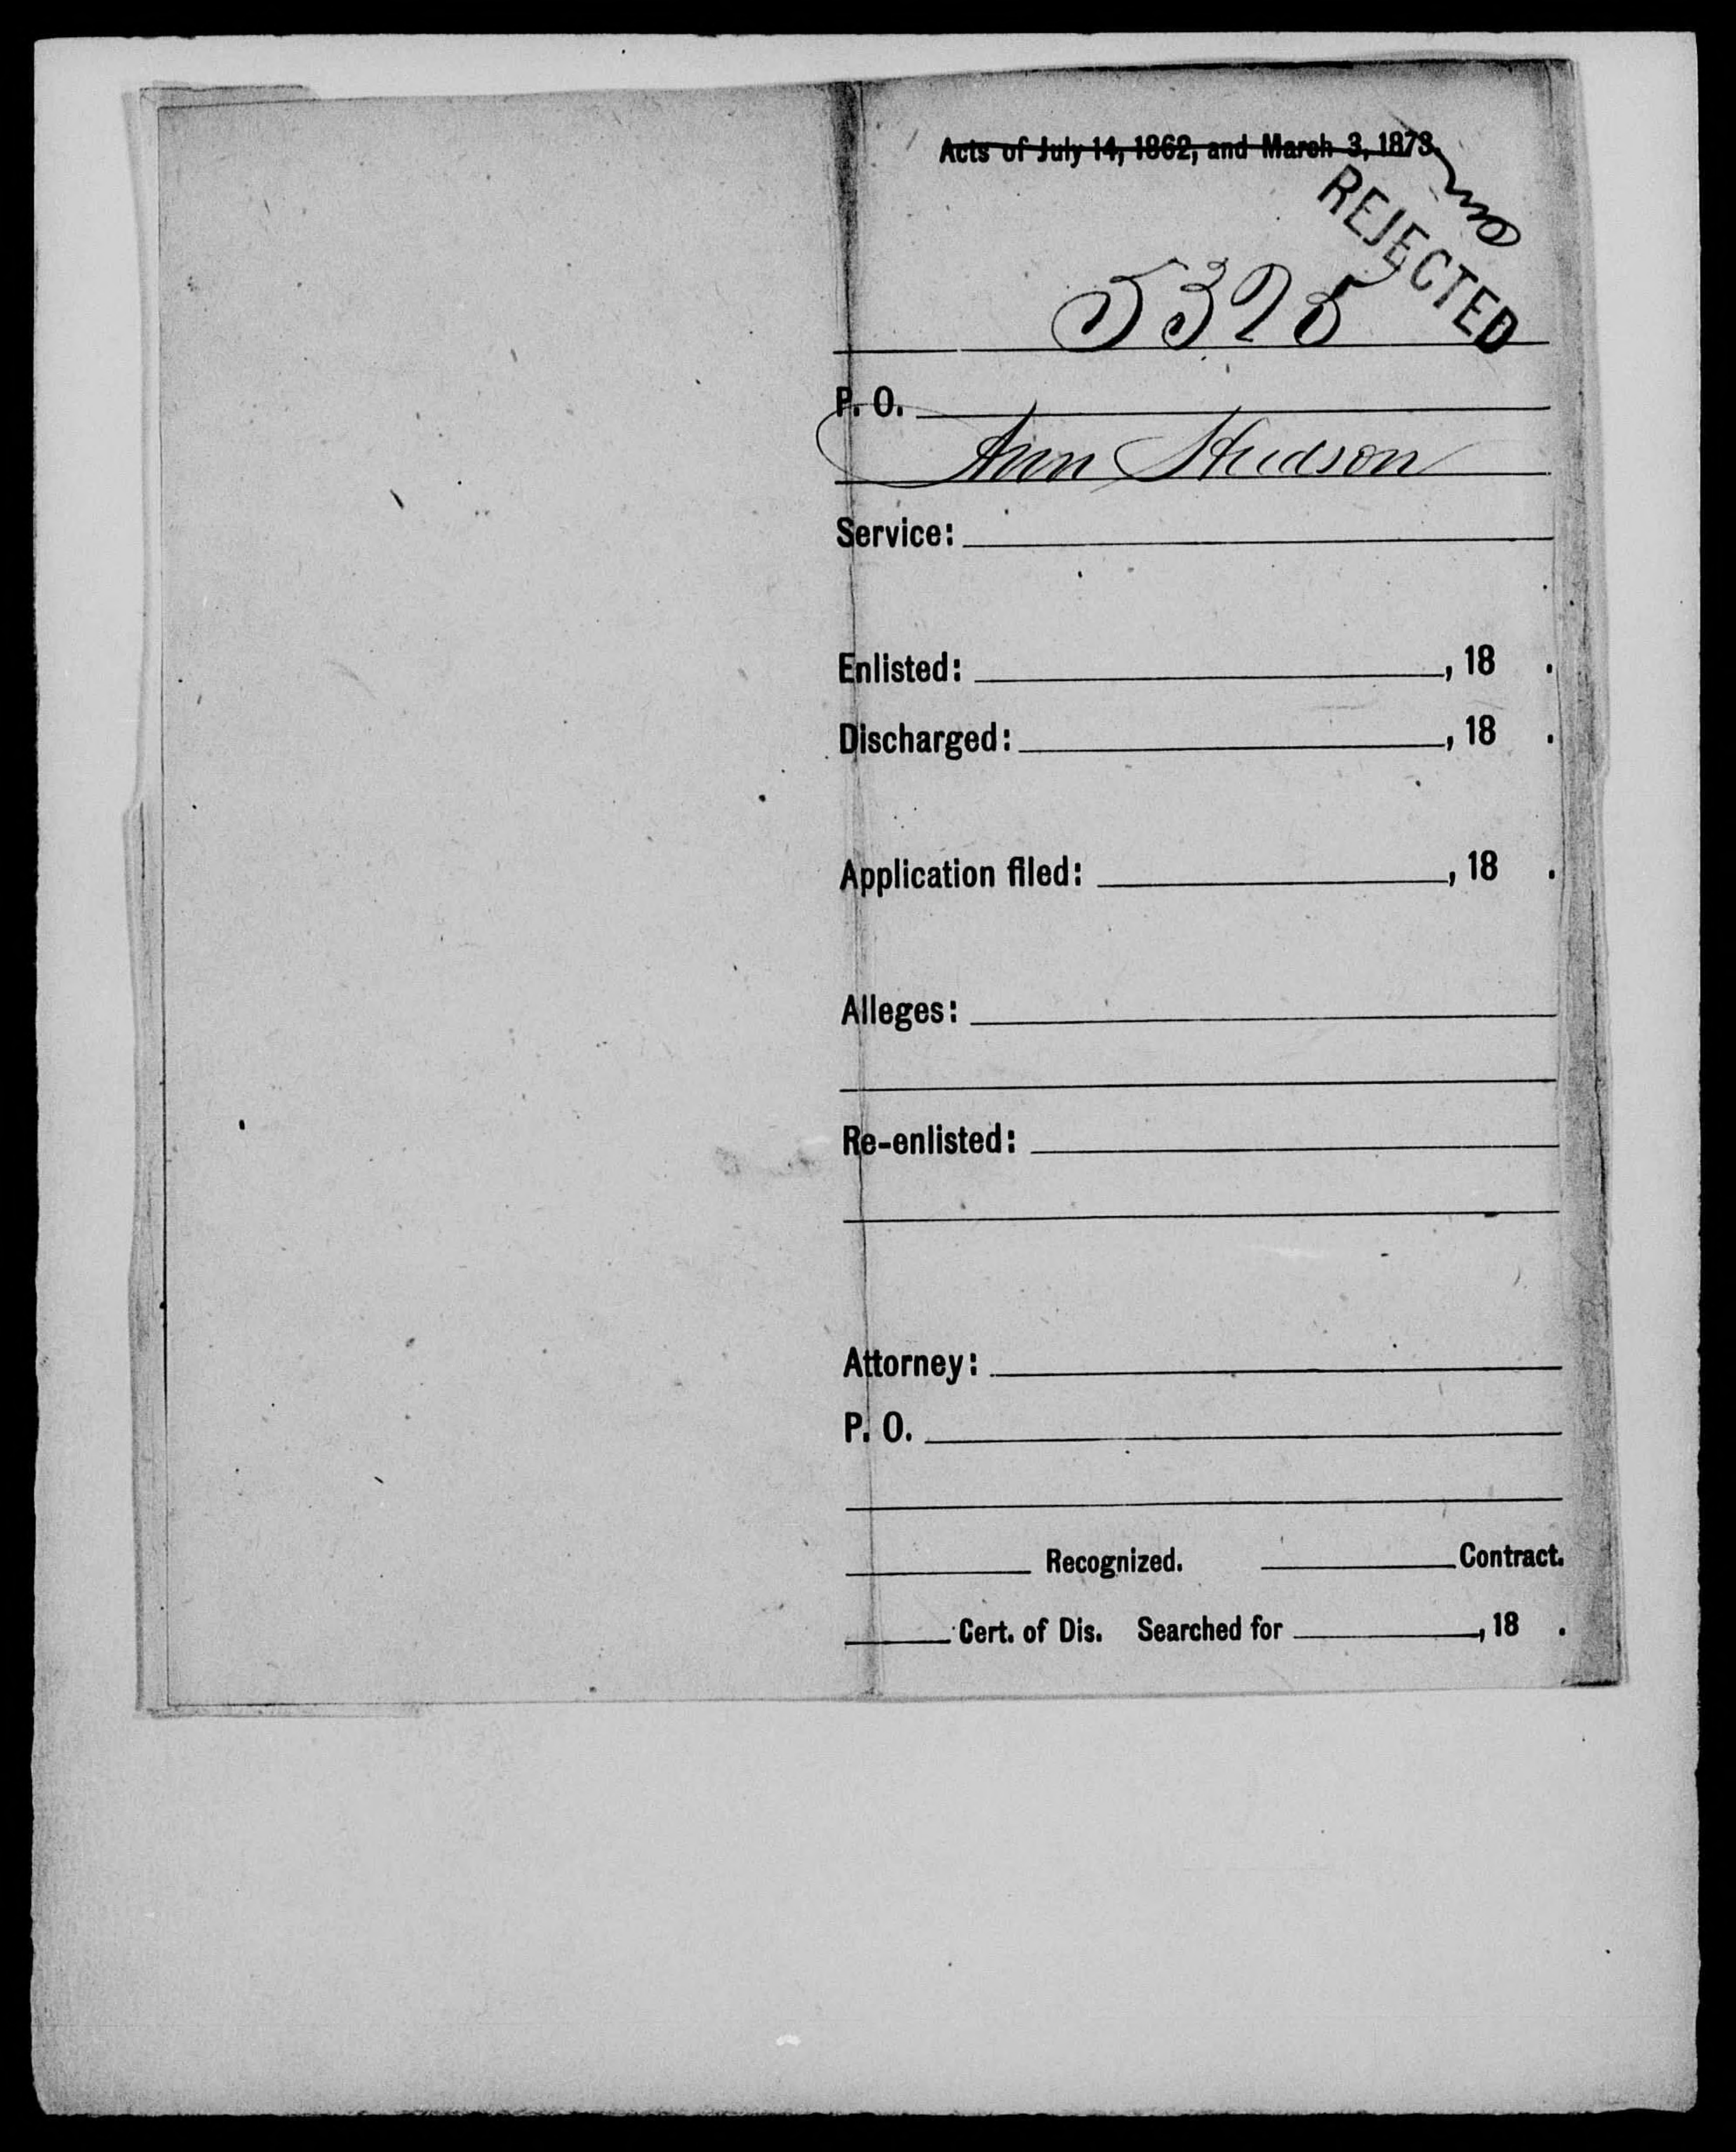Acts of July 14, 1862 and March 3, 1873          REJECTED
5325
PO Ann Hudson
Service: _____________
Enlisted: _______, 18__.
Discharged: _______, 18__.
Application filed: _______, 18__.
Alleges: ________________
Attorney:
P.O. ___________________________________
________________________________________

______________ Recognized. ______________ Contract.
_____ Cert. of Dis.    Searched for ________, 18__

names: Ann Hudson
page: 3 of 7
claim: rejected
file: R. 5325, Joseph Hudson, Va.